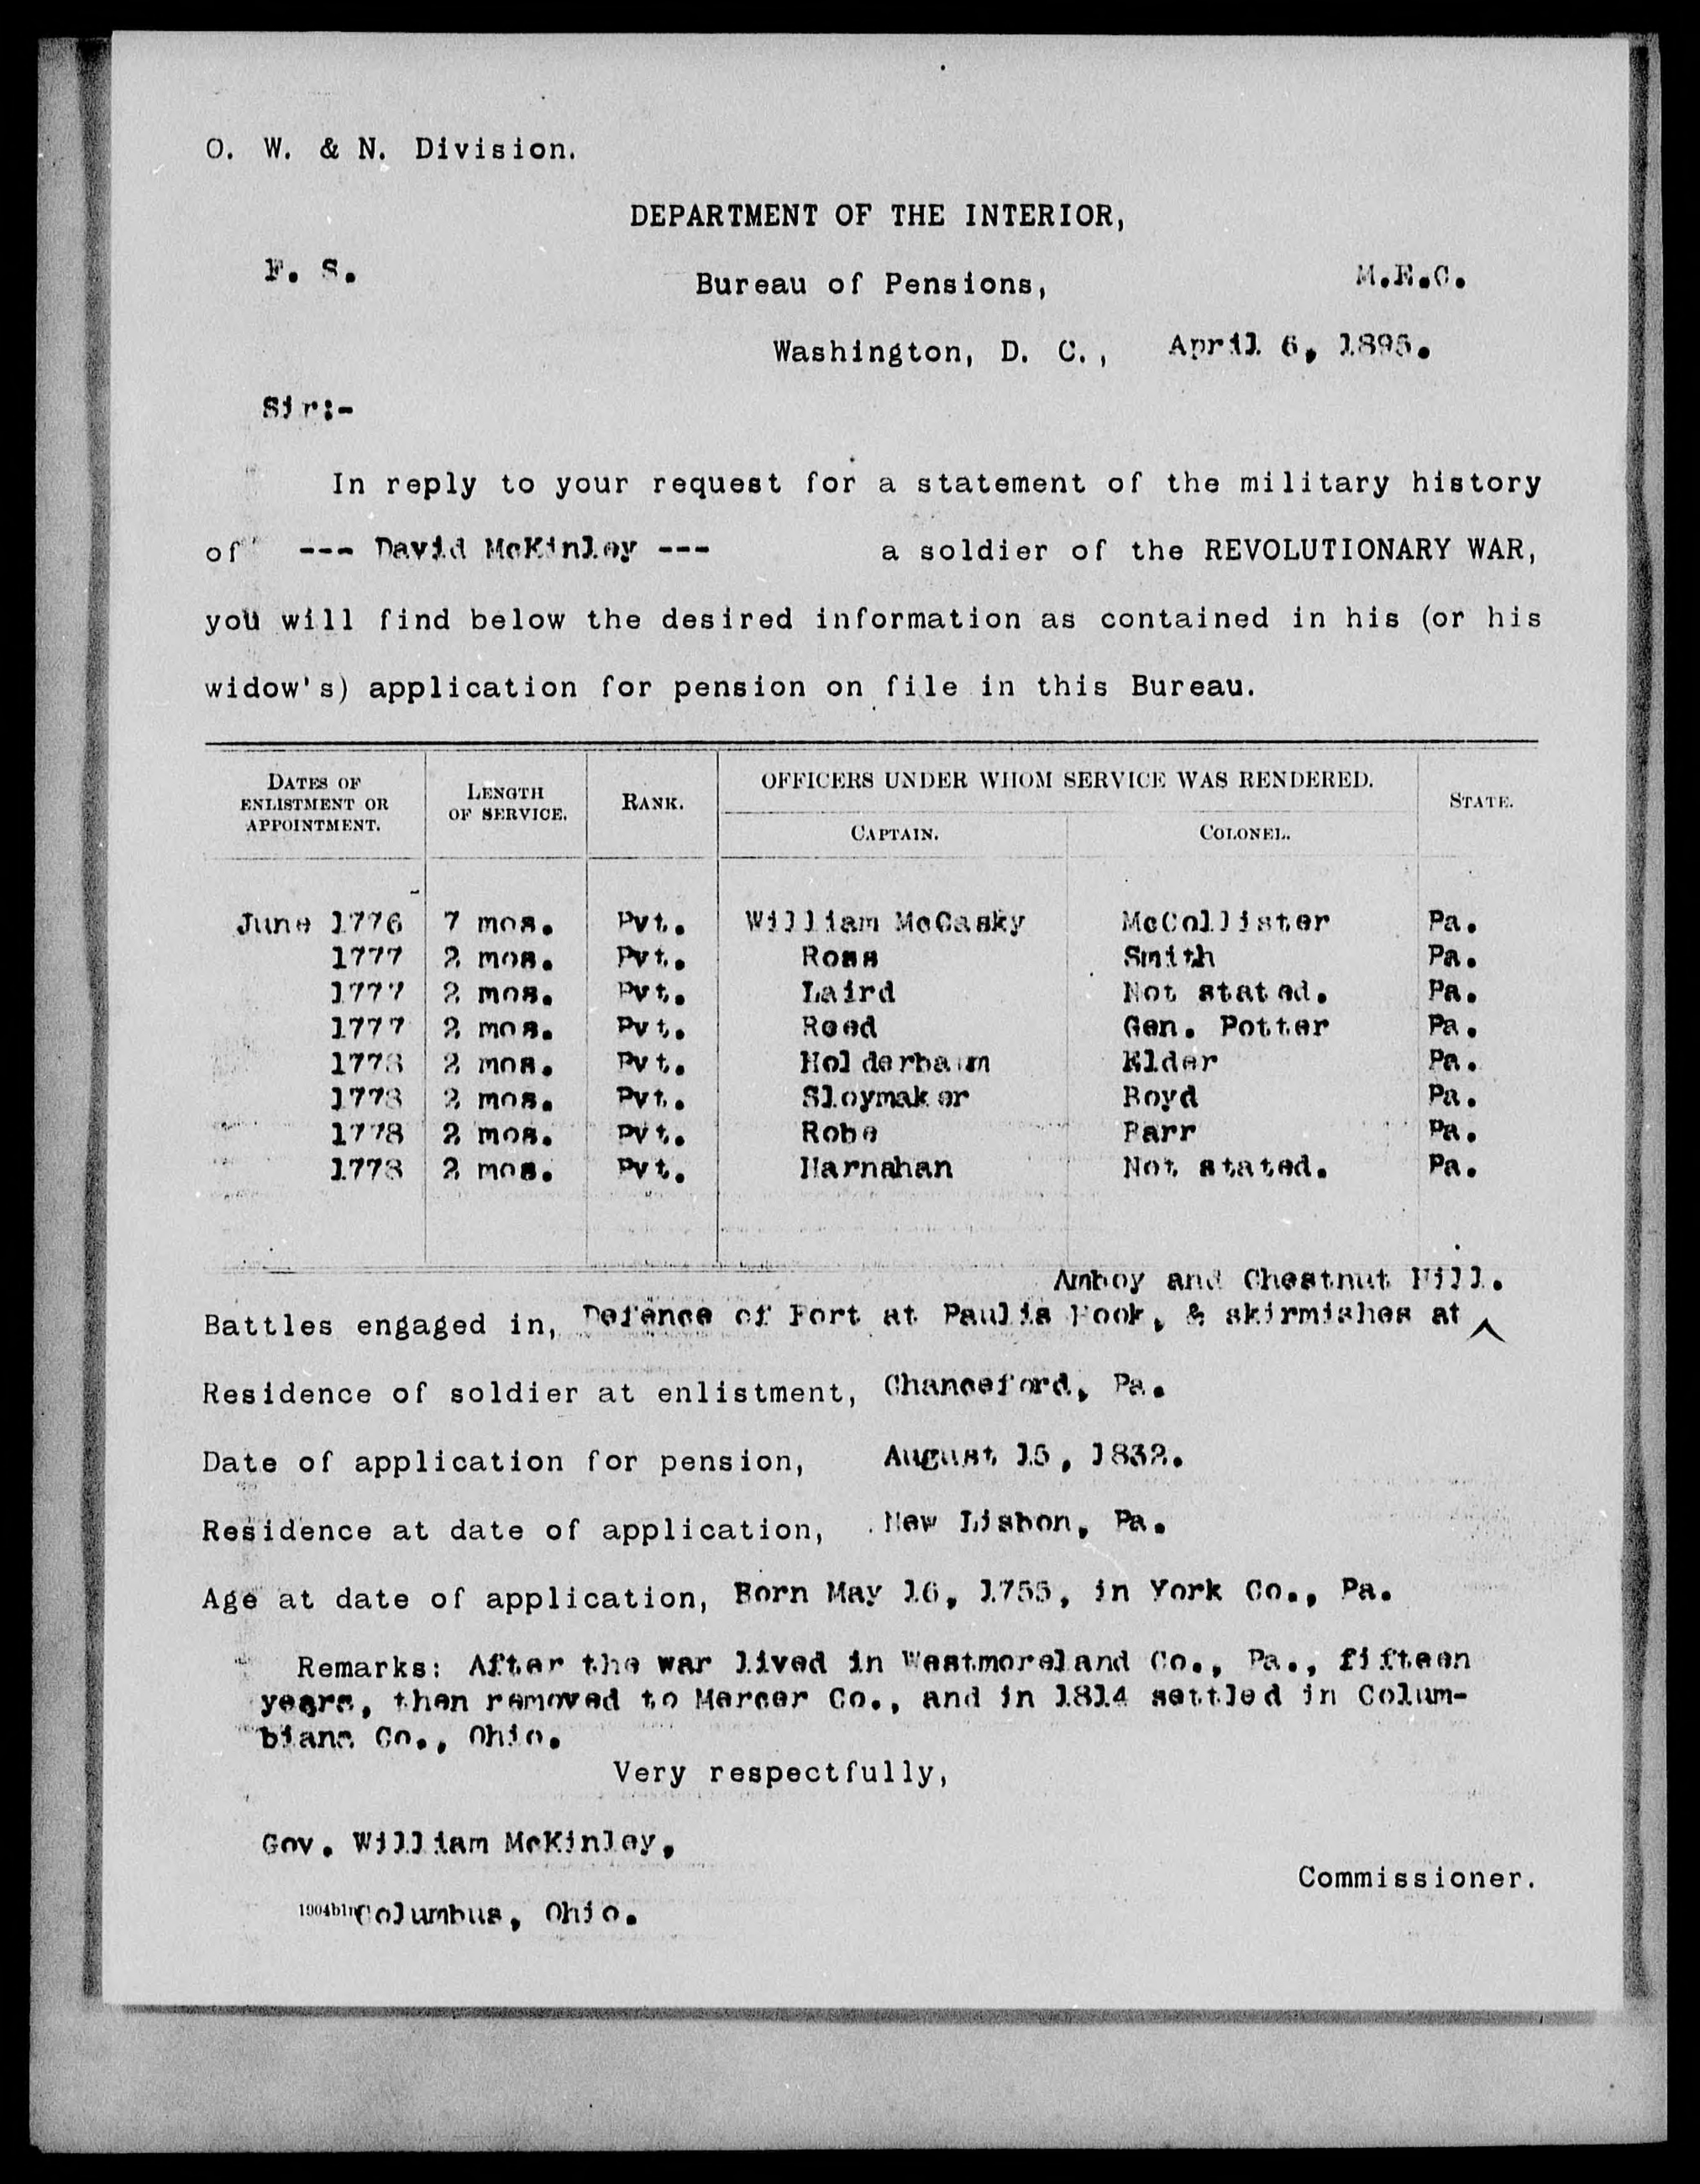O. W. & N. Division.
DEPARTMENT OF THE INTERIOR,
F. S.   Bureau of Pensions,   M. E. C.
Washington, D. C.,

April 6, 1893.

Sir:-
In reply to your request for a statement of the military history
of --- David McKinley --- a soldier of the REVOLUTIONARY WAR,
you will find below the desired information as contained in his (or his
widow's ) application for pension on file in this Bureau.

[table]
[column 1]
DATES OF
ENLISTMENT OR
APPOINTMENT. 
June 1776
1777
1777
1777
1772
1779
1778
1772

[column 2]
LENGTH
OF SERVICE.
7 mos.
2 mos.
2 mos.
2 mos.
2 mos.
2 mos.
2 mos.
2 mos.

[column 3]
RANK.
Pvt.
Pvt.
Pvt.
Pvt.
Pvt.
Pvt.
Pvt.
Pvt.

OFFICERS UNDER WHOM SERVICE WAS RENDERED.
[column 4]
CAPTAIN.
William McCasky
Ross
Laird
Reed
Holderbaim
Sloymaker
Robe
Harnahan

[column 5]
COLONEL.
McCollister
Smith
Not stated.
Gen. Potter
Elder
Boyd
Barr
Not stated.

[column 6]
STATE.
Pa.
Pa.
Pa.
Pa.
Pa.
Pa.
Pa.
Pa.
[end of table]

Battles engaged in, Defence of Fort at Paulis Hook, & skirmishes at Amboy and Chestnut Hill. 
Residence of soldier at enlistment, Chanceford, Pa.
Date of application for pension, August 15, 1832.
Residence at date of application, New Lisbon, Pa.
Age at date of application, Born May 16, 1755, in York Co., Pa.

Remarks: After the war lived in Westmoreland Co., Pa., fifteen
years, then removed to Mercer Co., and in 1814 settled in Columbiana
Co., Ohio.

Very respectfully,
Gov. William McKinley,
Columbus,
Ohio.

Commissioner,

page: 37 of 39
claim: survivor's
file: S. 2812, for David Mc Kinley, Pennsylvania